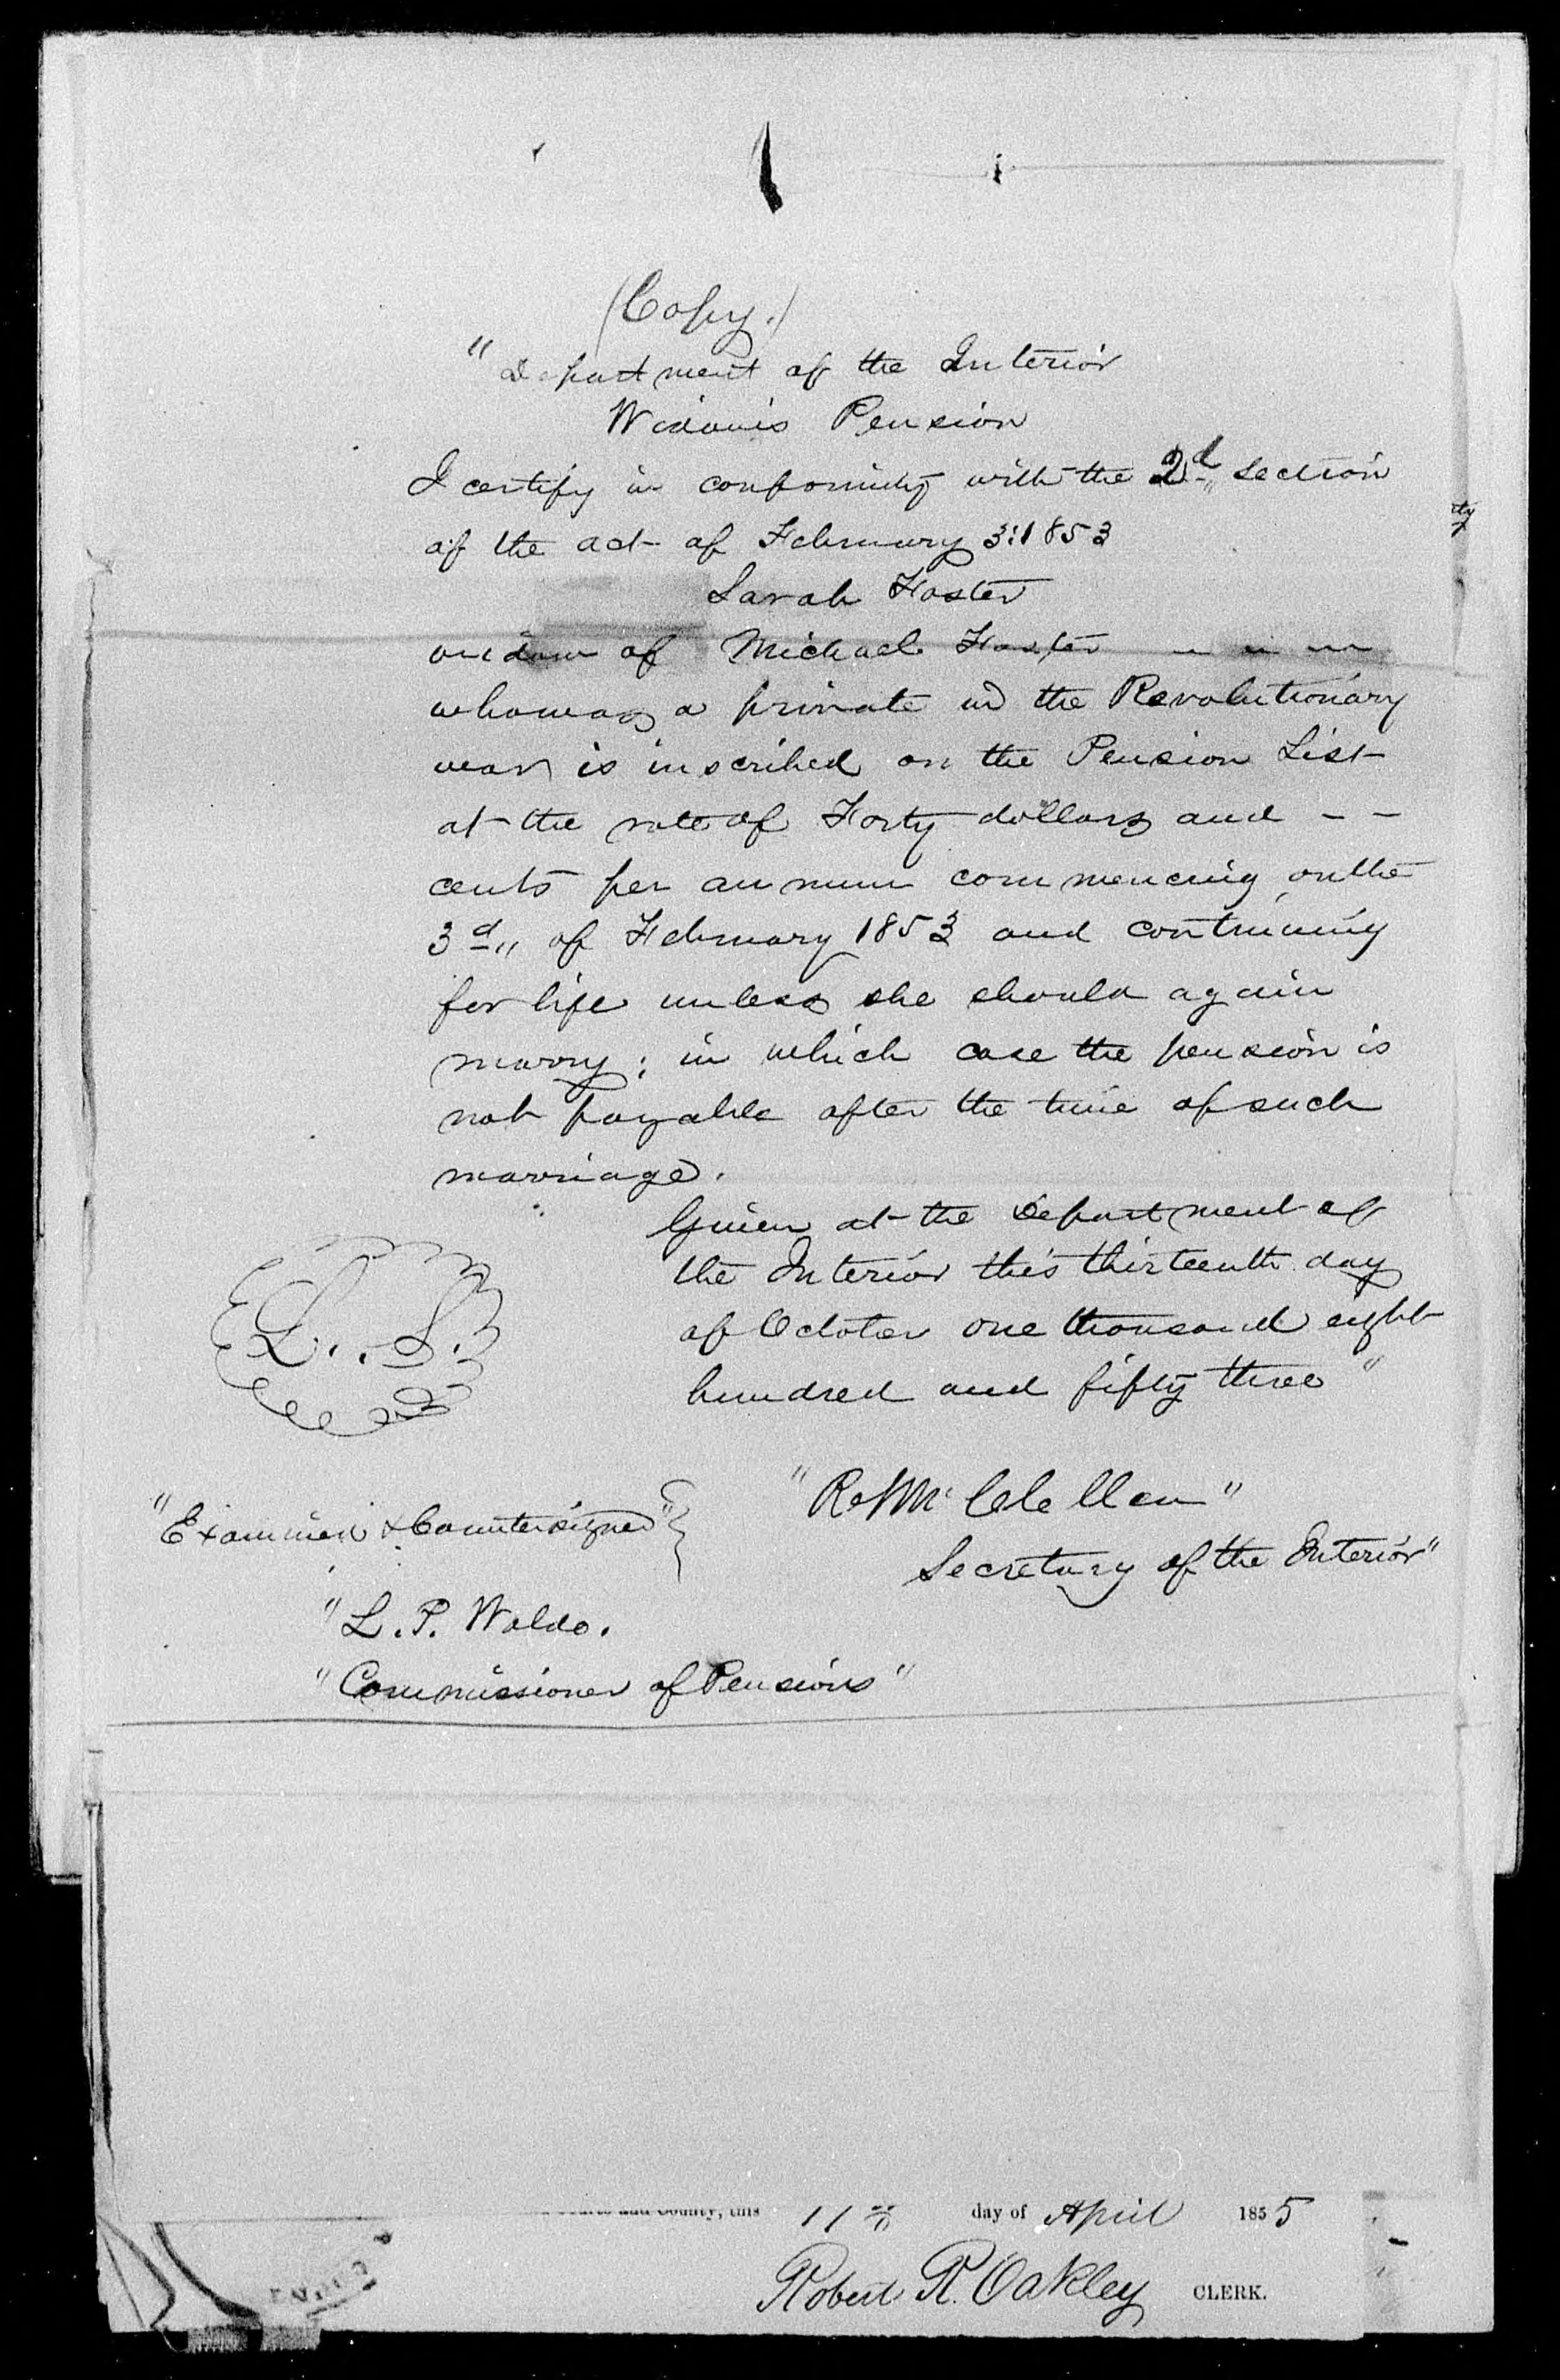(Copy)
"Department of the Interior
Widow's Pension

I certify in conformity with the 2d section of the act of February 3: 1853
                 Sarah Foster
widow of Michael Foster
who was a private in the Revolutionary War is inscribed on the Pension List-
at the rate of Forty dollars and--cents- per annum commencing on the 3rd of February 1853 and continuing for life unless she should again marry: in which case the pension is not payable after the time of such marriage.
Given at the Department of the Interior this thirteenth day of October one thousand eight hundred and fifty three"

"R. McClellan"
Secretary of the Interior"

"Examined & Countersigned"
"L. P. Waldo.
"Commissioner of Pensions"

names: Robert R Oakley, Sarah Foster, Michael Foster, Rob Mcclellan, L P Waldo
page: 21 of 57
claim: widow's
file: W. 5275 1/2, Michael Foster, Penn.